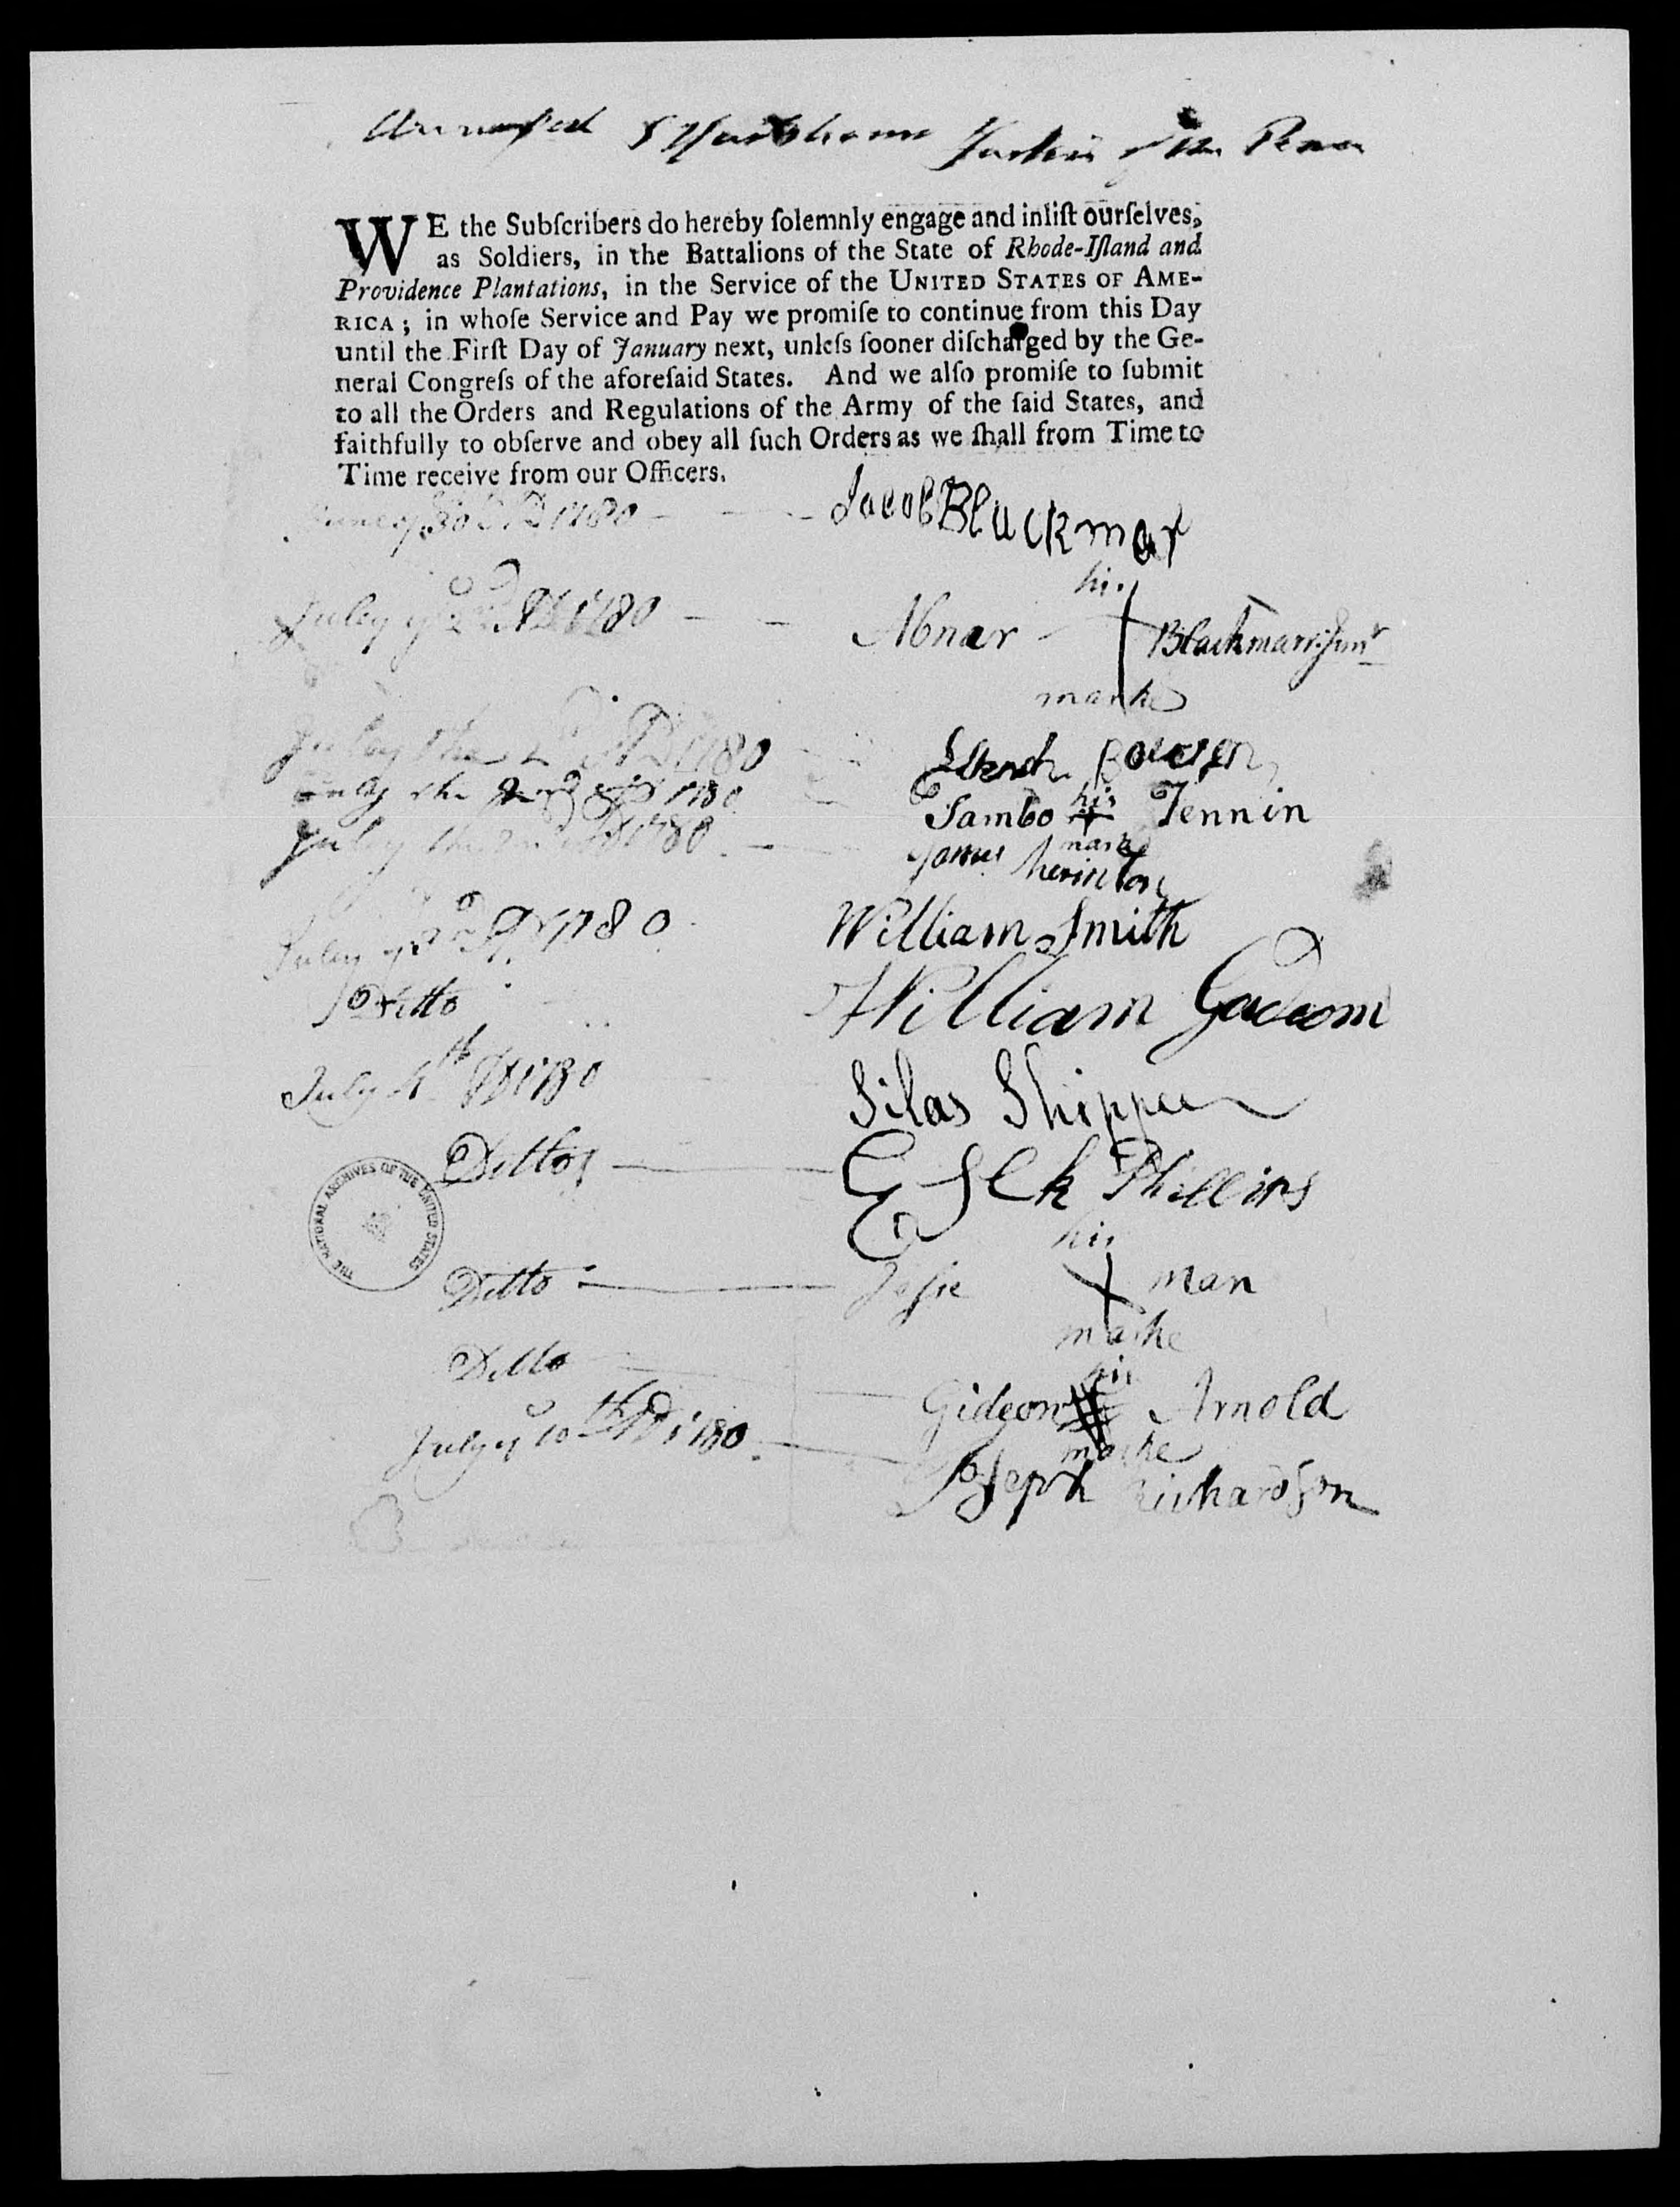[illegible] S. Hartham Justice of the Peace
We the Subscribers do hereby solemnly engage and inlist ourselves,
as Soldiers, in the Battalions of the State of Rhode-Island and
Providence Plantations, in the service of the UNITED STATES OF 
AMERICA; in whose service and pay we promise to continue from this Day
until the First Day of January next, unless sooner discharged by the General
Congress of the aforesaid States. And we also promise to submit
to all the orders and Regulations of the Army of the said States, and
faithfully to observe and obey all such Orders as we shall from time to
Time receive from our Officers.
July 30 A. D. 1780 - Jacob Blackman
July the 2nd A. D. 1480 Abner his X mark Blackman
July the 2nd A. D. 1780 [illegible] Bolger
July the 2nd A. D. 1780 Sambo his X mark Tennin
July the 2nd 1780 James Herinton
July [illegible] 1780 William Smith
Ditto William Gadcom
July 4th A. D. 1780 Silas Shipper
Ditto Esek Phillips
Ditto Jesse his X mark Man
Ditto Gideon his XX mark Arnold
July 10th 1780 Joseph Richardson 
[stamp] THE NATIONAL ARCHIVES OF THE UNITED STATES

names: Abner Blackmarr, Gideon Arnold, Esek Phillips, Sambo Tennin, Josiah Bowen, William Gadcom, Joseph Richardson, Jacob Blackmar, Silas Shippee, James Nevinton, William Smith, Jesse Man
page: 24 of 76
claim: widow's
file: W. 15,517, William Gadcomb, R.I.